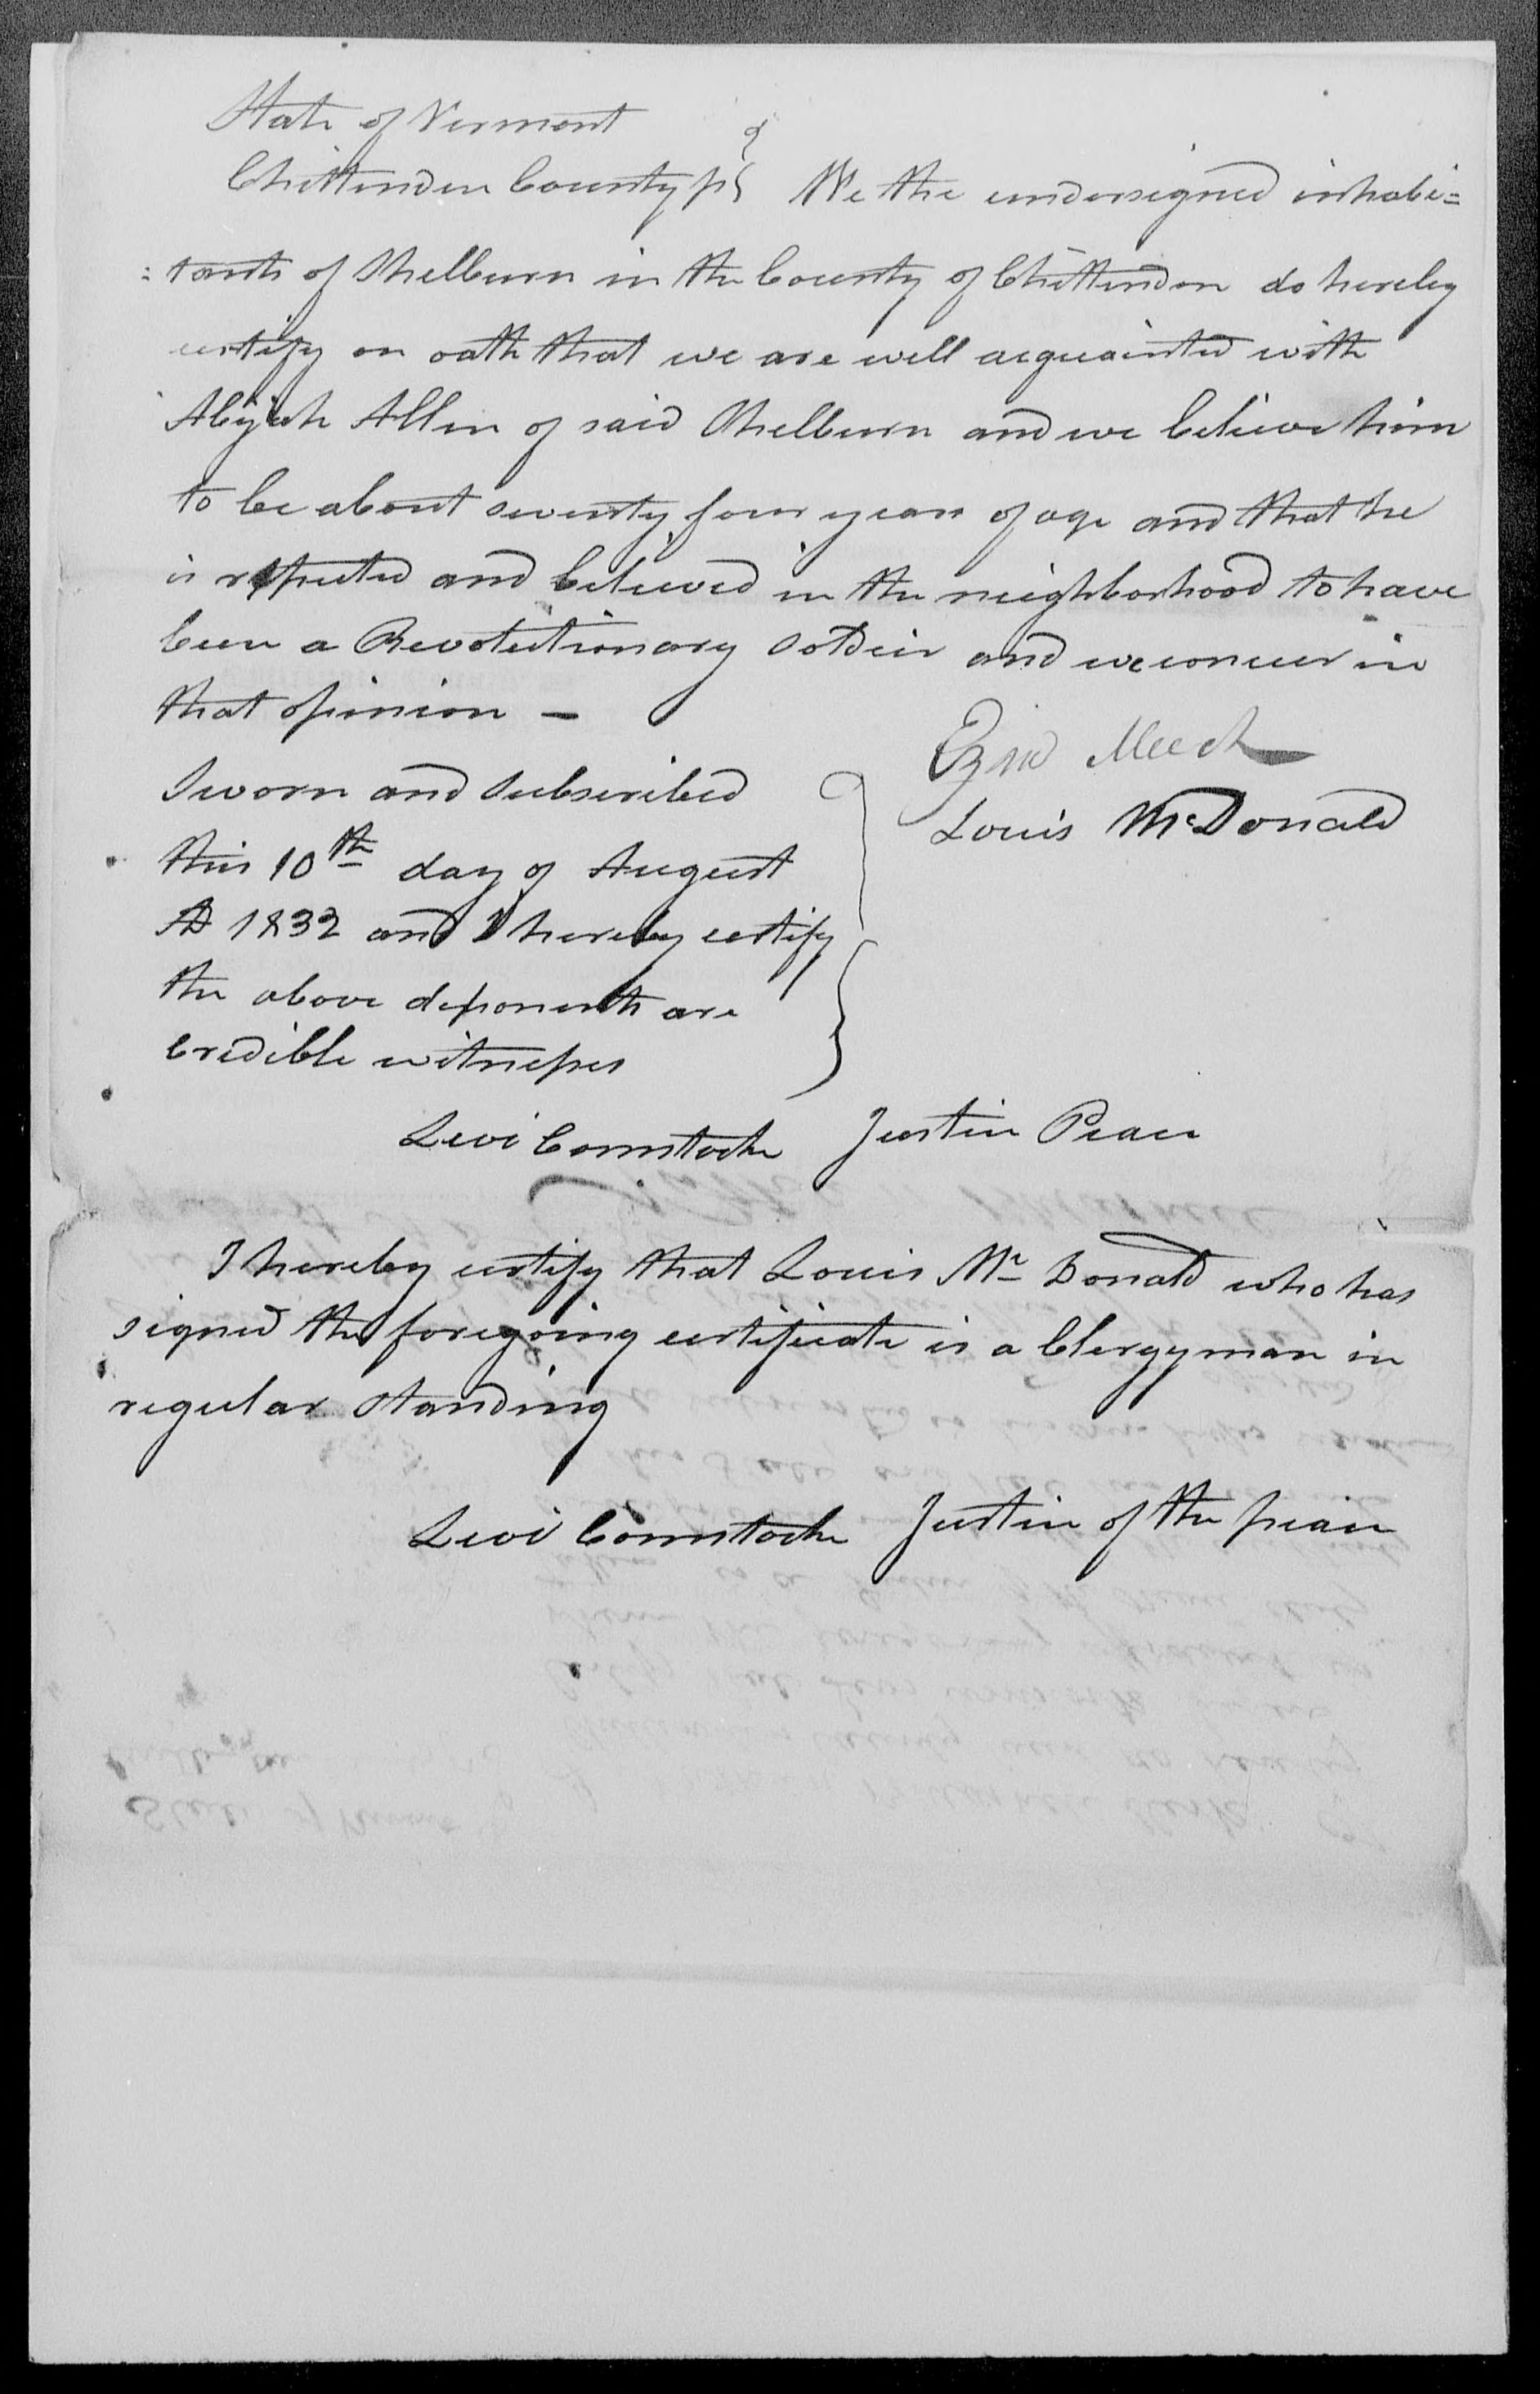State of Vermont 
Chittenden County 
We the undersigned inhabitants of of Shelburn in the County of Chittenden do hereby certify on oath that we are well acquainted with Abijah Allen of said Shelburn and we believe him to be about seventy four years of age and that he is respected and beloved in the neighborhood to have been a Revolutionary soldier and we concur in that opinion. 
Ezra Meech
Louis McDonald 
Sworn and subscribed this 10th day of August AD 1832 and I hereby certify the above deponents are credible witness
Levi Comstock Justice Peace

I hereby certify that Louis McDonald who has signed the foregoing certificate is a Clergyman in regular standing
Levi Comstock Justice of the Peace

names: Abijah Allen, Louis Mc Donald, Levi Comstock, Ezra Meech, Levi Comstock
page: 18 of 21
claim: survivor's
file: S. 15356, Abijah Allen, Mass.